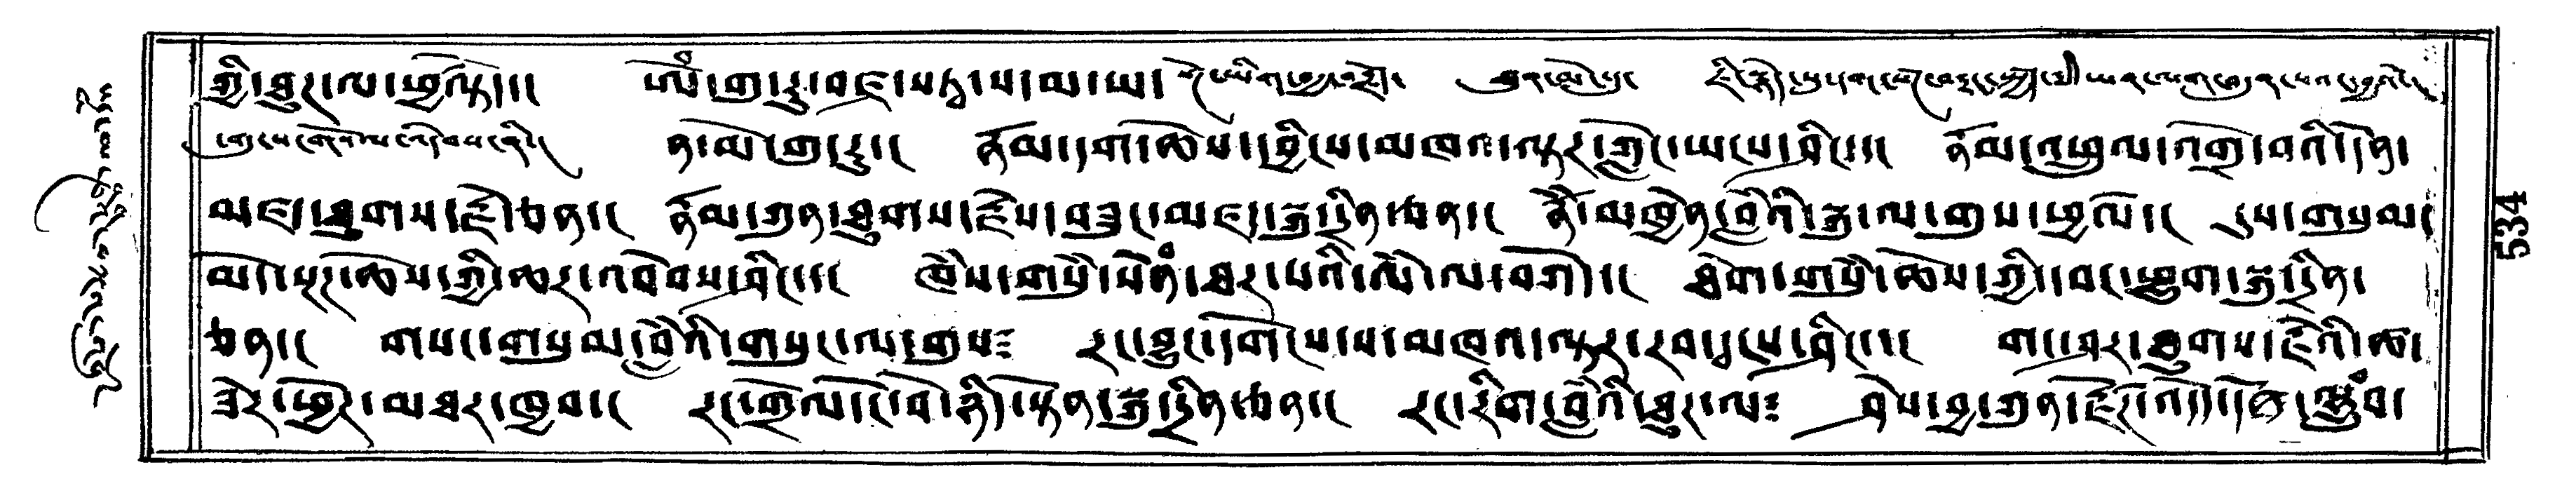ཀྱི་ཐུགས་ལ་ཕྱག་འཚལ་བསྟོད། ཨོཾ་གུ་རུ་བཛྲ་ས་ཏྭ་ས་མ་ཡ༴ སོགས་ཡིག་བརྒྱ་བརྗོད། ཐུན་མོང་དུ། ཇི་སྙེད་སུ་དག༴ སོགས་བཟང་སྤྱོད་ཀྱི་ཡན་ལག་བདུན་པ་བྱའོ། 
དགུ་པ་གསོལ་འདེབས་ནི། ན་མོ་གུ་རུ། རྣམ་དག་ཆོས་དབྱིངས་མཁའ་ལྟར་ཀློང་ཡངས་ཤིང་། །རྣམ་འཕྲུལ་འགྲོ་བའི་དོན་
མཛད་ཐུགས་རྗེ་ཅན། །རྣམ་ཀུན་ཐུགས་རྗེས་བཟུང་མཛད་སྐུ་དྲིན་ཅན། །རྣམ་མཁྱེན་བླ་མའི་སྐུ་ལ་གུས་ཕྱག་འཚལ། །དུས་གསུམ་
མདོ་སྔགས་ཆོས་ཀྱི་ཆར་འབེབས་ཤིང་། ཁམས་གསུམ་སེམས་ཅན་ཐར་པའི་ལམ་ལ་བཀོད། །ཐེག་གསུམ་ཆོས་ཀྱི་དབང་ཕྱུག་སྐུ་དྲིན་
ཅན། །གསང་གསུམ་བླ་མའི་གསུང་ལ་གུས༴ །རང་བྱུང་དགོངས་པ་མཁའ་ལྟར་རབ་དྭངས་ཤིང་། །གང་ཤར་ཐུགས་རྗེའི་ཚ་
ཟེར་ཕྱོགས་མཐར་ཁྱབ། །རང་གྲོལ་ངོ་བོ་ཉིད་སྟོན་སྐུ་དྲིན་ཅན། །རང་རིག་བླ་མའི་ཐུགས་ལ། །ཤེས་བྱ་ཀུན་རྫོགས་འདོད་དོན་ལྷུན་གྲུབ་